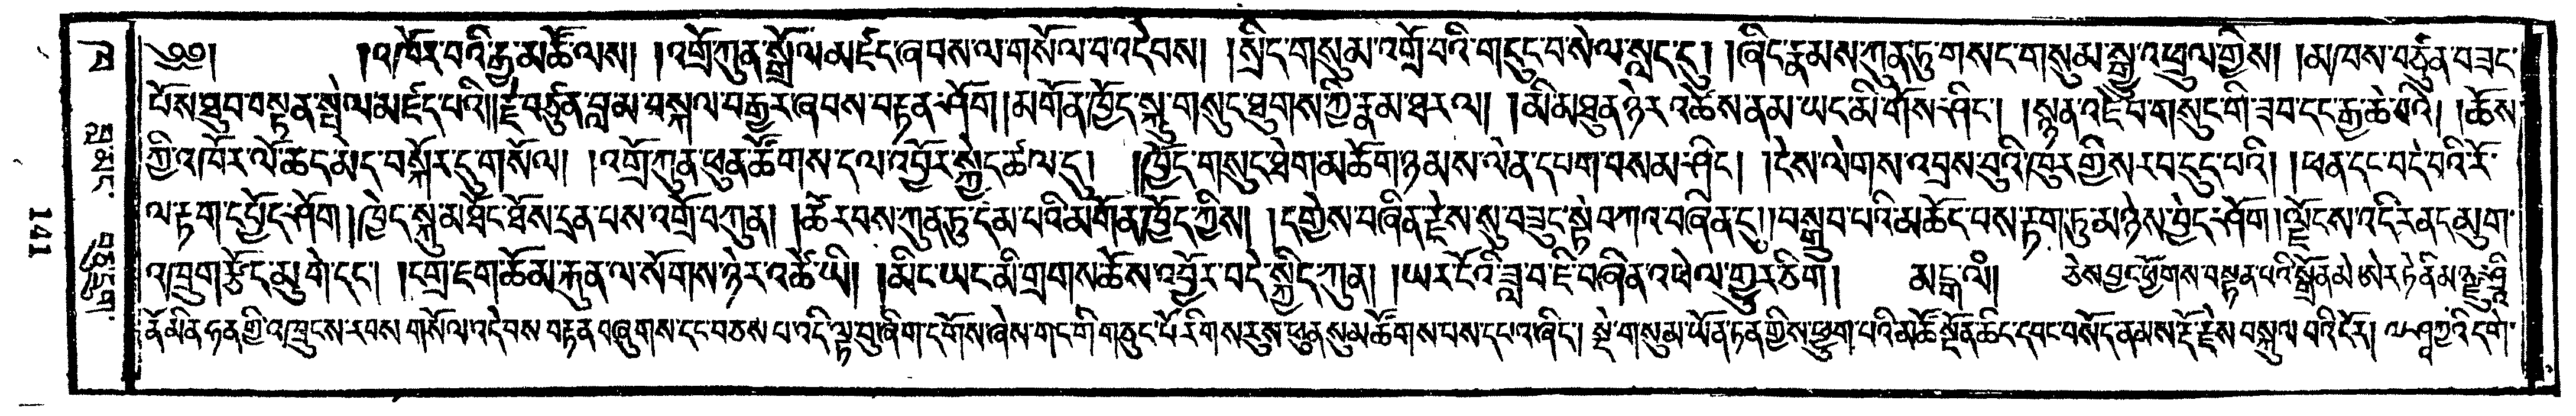༄༅། །འཁོར་བའི་རྒྱ་མཚོ་ལས། །འགྲོ་ཀུན་སྒྲོལ་མཛད་ཞབས་ལ་གསོལ་བ་འདེབས། །སྲིད་གསུམ་འགྲོ་བའི་གདུང་བ་སེལ་སླད་དུ། །ཞིང་རྣམས་ཀུན་ཏུ་གསང་གསུམ་སྒྱུ་འཕྲུལ་གྱིས། །མཁས་བཙུན་བཟང་
པོས་ཐུབ་བསྟན་སྤེལ་མཛད་པའི། །རྗེ་བཙུན་བླ་མ་བསྐལ་བརྒྱར་ཞབས་བརྟན་ཤོག །མགོན་ཁྱོད་སྐུ་གསུང་ཐུགས་ཀྱི་རྣམ་ཐར་ལ། །མི་མཐུན་ཉེར་འཚེས་ནམ་ཡང་མི་གོས་ཤིང་། །སྙན་འཇོ་བ་གསུང་གི་ཟབ་དང་རྒྱ་ཆེ་བའི། །ཆོས་
ཀྱི་འཁོར་ལོ་ཆད་མེད་བསྐོར་དུ་གསོལ། །འགྲོ་ཀུན་ཕུན་ཚོགས་དལ་འབྱོར་སྐྱེད་ཚལ་དུ། །ཁྱོད་གསུང་ཐེག་མཆོག་ཉམས་ལེན་དཔག་བསམ་ཤིང་། །ངེས་ལེགས་འབྲས་བུའི་ཁུར་གྱིས་རབ་དུད་པའི། །ཕན་དང་བདེ་བའི་རོ་
ལ་རྟག་དཔྱོད་ཤོག །ཁྱེད་སྐུ་མཐོང་ཐོས་དྲན་པས་འགྲོ་བ་ཀུན། །ཚེ་རབས་ཀུན་ཏུ་དམ་པའི་མགོན་ཁྱོད་ཀྱིས། །དགྱེས་བཞིན་རྗེས་སུ་བཟུང་སྟེ་བཀའ་བཞིན་དུ། །བསྒྲུབ་པའི་མཆོད་པས་རྟག་ཏུ་མཉེས་བྱེད་ཤོག །ལྗོངས་འདིར་ནད་མུག་
འཁྲུག་རྩོད་མུ་གེ་དང་། །དགྲ་ཇག་ཆོམ་རྐུན་ལ་སོགས་ཉེར་འཚེ་ཡི། །མིང་ཡང་མི་གྲགས་ཆོས་འབྱོར་བདེ་སྐྱིད་ཀུན། །ཡར་ངོའི་ཟླ་བ་ཇི་བཞིན་འཕེལ་གྱུར་ཅིག། མངྒ་ལཾ། ཅེས་བྱང་ཕྱོགས་བསྟན་པའི་སྒྲོན་མེ་ཨེར་ཏེ་ནི་མཉྫུ་ཤྲཱི་
ནོ་མིན་ཧན་གྱི་འཁྲུངས་རབས་གསོལ་འདེབས་བརྟན་བཞུགས་དང་བཅས་པ་འདི་ལྟ་བུ་ཞིག་དགོས་ཞེས་གང་གི་གཅུང་པོ་རིགས་རུས་ཕུན་ཚོགས་པས་དཔའ་ཞིང་། སྡེ་གསུམ་ཡོན་ཏན་གྱིས་ཕྱུག་པའི་མཚོ་སྔོན་ཆིང་དབང་བསོད་ནམས་རྡོ་རྗེས་བསྐུལ་བའི་ངོར། ༧་ཤཱཀྱའི་དགེ་